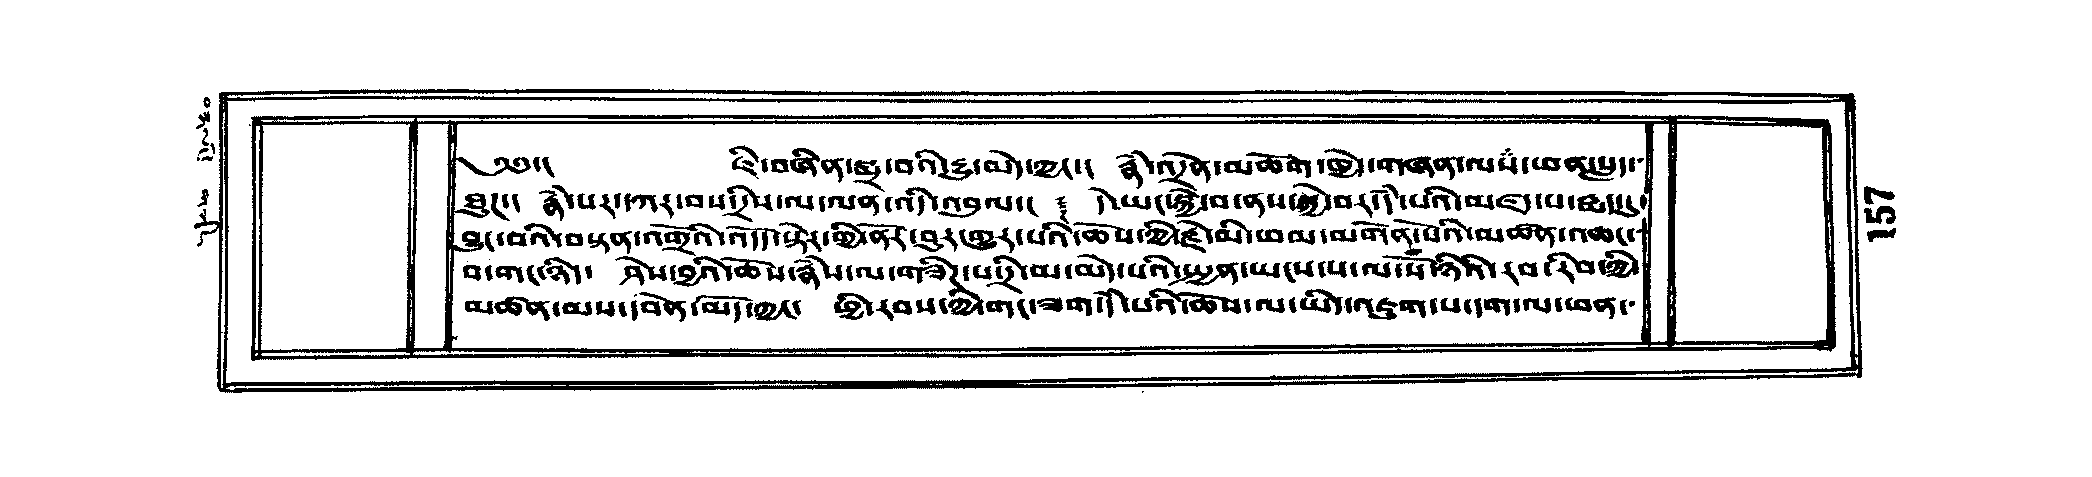ཇི་བཞིན་སྨྲ་བའི་རྒྱུ་མེད་ཀྱང་། །རྣམ་འདྲེན་མཆོག་ཁྱེད་གཞན་ལ་ཕན་སླད་
ཐུགས། །རྣམ་པར་དཀར་བས་དྲིས་ལ་ལན་འདི་འབུལ། དེ་ཡང་སྐྱེ་བ་ནས་སྐྱེ་བར་དམ་པའི་མཛད་པ་རྨད་དུ་
བྱུང་བའི་བསྟན་འགྲོའི་འདོད་སྟེར་གྱི་ནོར་བུར་གྱུར་པའི་ཆོས་ཀྱི་རྗེ་མི་ཕམ་མགོན་པོའི་མཚན་འཆང་
བ་གང་ཉིད། ཤེས་བྱའི་ཆོས་རྣམས་ལ་གཟིགས་པ་དྲི་མ་མེད་པའི་སྤྱན་ཡངས་པ་ལ་སོམ་ཉིའི་རབ་རིབ་ཀྱི་
མཚན་མས་དབེན་མོད་ཀྱང་། ཕྱི་རབས་ཀྱི་གང་ཟག་དམ་པའི་ཆོས་ལ་ཡིད་འཇུག་པ་དག་ལ་ཕན་